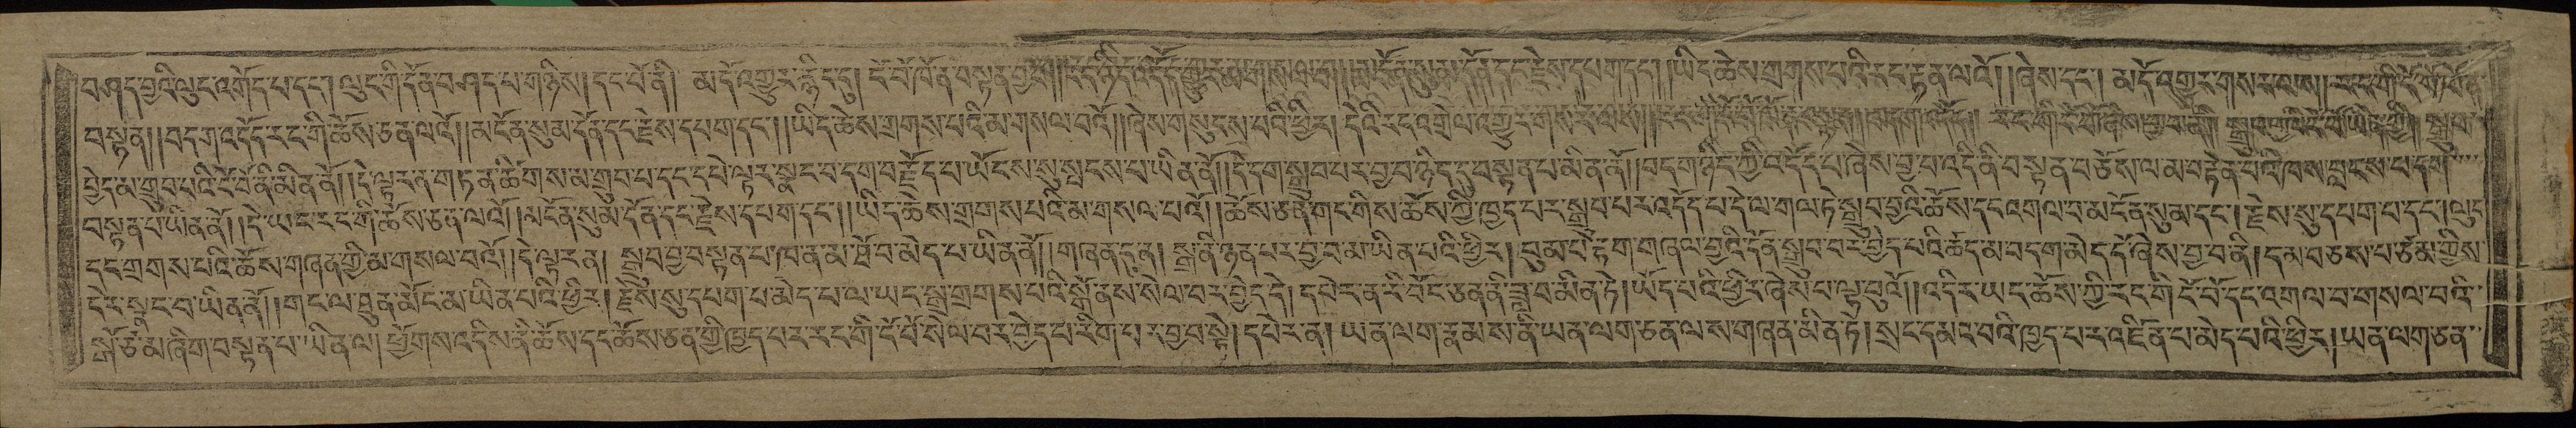བཤད་བྱའི་ལུང་འགོད་པ་དང་། ལུང་གི་དོན་བཤད་པ་གཉིས། དང་པོ་ནི། མདོ་འགྱུར་རྙིང་དུ། ངོ་བོ་ཁོ་ན་བསྟན་བྱ་བ། །རང་ཉིད་འདོད་གྱུར་མ་གསལ་བ། །མངོན་སུམ་དོན་དང་རྗེས་དཔག་དང་། །ཡིད་ཆེས་གྲགས་པའི་རང་རྟན་ལའོ། །ཞེས་དང་། མདོ་འགྱུར་གསར་ལས། རང་གི་ངོ་བོ་ཁོ་ན་
བསྟན། །བདག་འདོད་རང་གི་ཆོས་ཅན་ལའོ། །མངོན་སུམ་དོན་དང་རྗེས་དཔག་དང་། །ཡིད་ཆེས་གྲགས་པའི་མ་གསལ་བའོ། །ཞེས་གསུངས་པའི་ཕྱིར། དེའི་རང་འགྲེལ་འགྱུར་གསར་ལས། །རང་གི་ངོ་བོ་ཁོ་ན་བསྟན། །བདག་འདོད། རང་གི་ངོ་བོ་ཞེས་བྱ་བ་ནི། སྒྲུབ་བྱའི་ངོ་བོ་ཡིན་གྱི། སྒྲུབ་
བྱེད་མ་གྲུབ་པའི་ངོ་བོ་ནི་མིན་ནོ། །དེ་ལྟར་ན་གཏན་ཚིགས་མ་གྲུབ་པ་དང་དཔེ་ལྟར་སྣང་བ་དག་བརྗོད་པ་ཡོངས་སུ་སྤངས་པ་ཡིན་ནོ། །དེ་དག་སྒྲུབ་པར་བྱ་བ་ཉིད་དུ་བསྟན་པ་མིན་ནོ། །བདག་ཉིད་ཀྱི་འདོད་པ་ཞེས་བྱ་བ་འདི་ནི་བསྟན་བཅོས་ལ་མ་བརྟེན་པའི་ཁས་བླངས་པ་དག་
ཕ༹བསྟན་པ་ཡིན་ནོ། །དེ་ཡང་རང་གི་ཆོས་ཅན་ལའོ། །མངོན་སུམ་དོན་དང་རྗེས་དཔག་དང་། །ཡིད་ཆེས་གྲགས་པའི་མ་གསལ་པའོ། །ཆོས་ཅན་གང་གིས་ཆོས་ཀྱི་ཁྱད་པར་སྒྲུབ་པར་འདོད་པ་དེ་ལ་གལ་ཏེ་སྒྲུབ་བྱའི་ཆོས་དང་འགལ་བ་མངོན་སུམ་དང་། རྗེས་སུ་དཔག་པ་དང་། ལུང་
དང་གྲགས་པའི་ཆོས་གཞན་གྱི་མ་གསལ་བའོ། །དེ་ལྟར་ན། སྒྲུབ་བྱ་བསྟན་པ་ཁ་ན་མ་ཐོབ་པ་མེད་པ་ཡིན་ནོ། །གཞན་དུ་ན། སྒྲ་ནི་ཉན་པར་བྱ་བ་མ་ཡིན་པའི་ཕྱིར། བུམ་པ་རྟག་གཞལ་བྱའི་དོན་སྒྲུབ་པར་བྱེད་པའི་ཚད་མ་བདག་མེད་དོ་ཞེས་བྱ་བ་ནི། དམ་བཅས་པ་ཙམ་གྱིས་
ཕ༹དེར་སྣང་བ་ཡིན་ནོ། །གང་ལ་ཐུན་མོང་མ་ཡིན་པའི་ཕྱིར། རྗེས་སུ་དཔག་པ་མེད་པ་ལ་ཡང་སྒྲ་གྲགས་པའི་སྒོ་ནས་སེལ་བར་བྱེད་དེ། དཔེར་ན་རི་བོང་ཅན་ནི་ཟླ་བ་མིན་ཏེ། ཡོད་པའི་ཕྱིར་ཞེས་པ་ལྟ་བུའོ། །འདིར་ཡང་ཆོས་ཀྱི་རང་གི་ངོ་བོ་དང་འགལ་བ་གསལ་བའི་
སྒོ་ཙམ་ཞིག་བསྟན་པ་ཡིན་ལ། ཕྱོགས་འདིས་ནི་ཆོས་དང་ཆོས་ཅན་གྱི་ཁྱད་པར་རང་གི་ངོ་བོ་སེལ་བར་བྱེད་པ་རིག་པར་བྱ་བ་སྟེ། དཔེར་ན། ཡན་ལག་རྣམས་ནི་ཡན་ལག་ཅན་ལས་གཞན་མིན་ཏེ། སྲང་དམའ་བའི་ཁྱད་པར་འཛིན་པ་མེད་པའི་ཕྱིར། ཡན་ལག་ཅན་